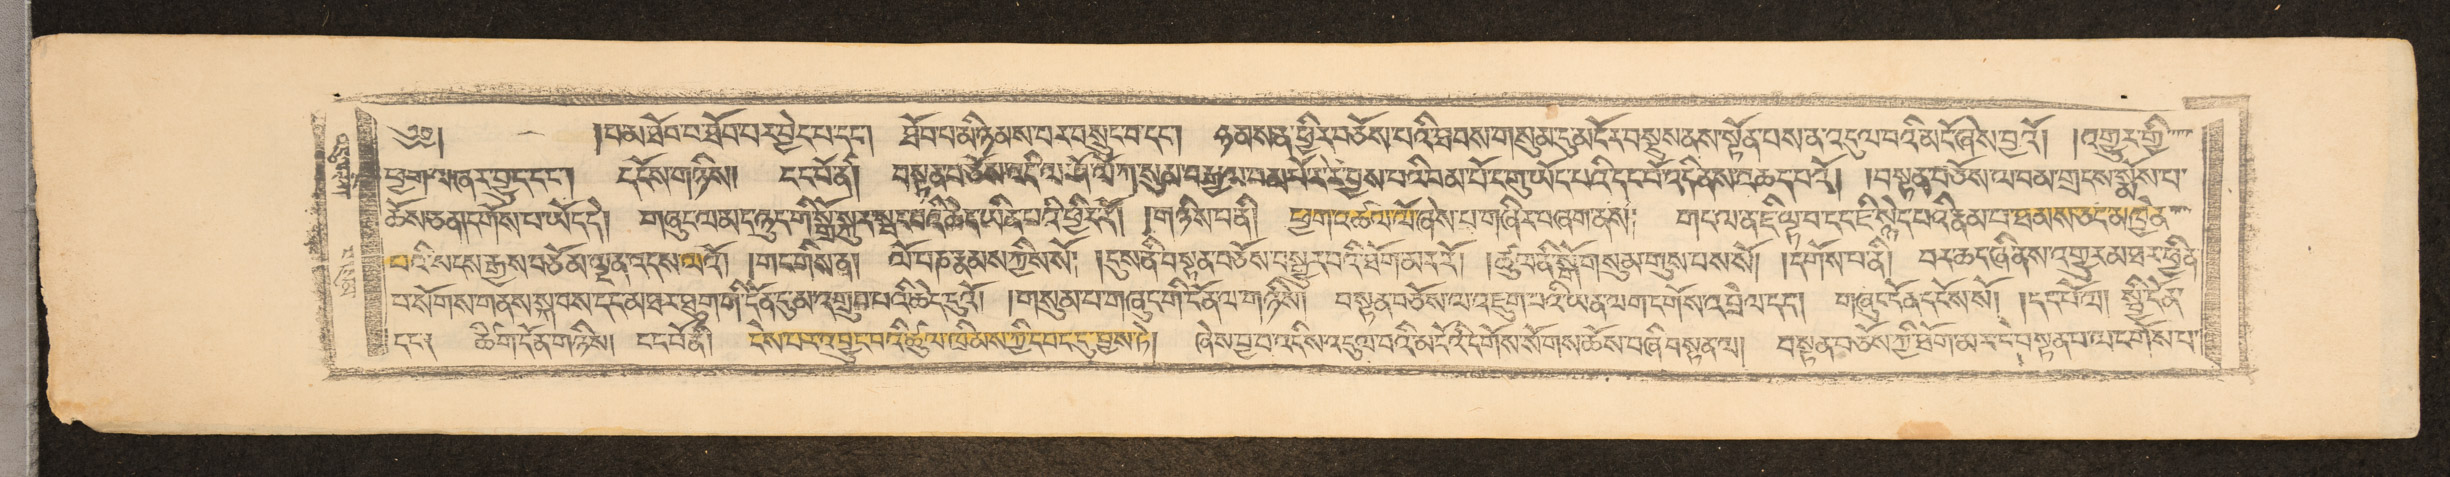༄༅། །པ་མ་ཐོབ་པ་ཐོབ་པར་བྱེད་པ་དང་། ཐོབ་པ་མི་ཉམས་པར་བསྲུང་བ་དང་། ཉམས་ན་ཕྱིར་བཅོས་པའི་ཐབས་གསུམ་དུ་མདོར་བསྡུས་ནས་སྟོན་པས་ན་འདུལ་བའི་མདོ་ཞེས་བྱའོ། །འགྱུར་གྱི་
ཕྱག་ལ་ཞར་བྱུང་དང་། དངོས་གཉིས། དང་པོ་ནི། བསྟན་བཅོས་འདི་ལ་ཤོ་ལོ་ཀ་སུམ་བརྒྱ་ལ་བམ་པོ་རེར་བྱས་པའི་བམ་པོ་དགུ་ཡོད་པའི་དང་པོ་འདི་ནས་འཆད་པའོ། །བསྟན་བཅོས་ལ་བམ་གྲངས་སྨོས་པ་
ཆོས་ཅན། དགོས་པ་ཡོད་དེ། གཞུད་ལ་མང་ཉུང་གི་སྒྲོ་སྐུར་སྤང་བའི་ཆེད་ཡིན་པའི་ཕྱིར་རོ། །གཉིས་པ་ནི། ཕྱག་འཚལ་ལོ་ཞེས་པ་གཞིར་བཞག་ནས། གང་ལ་ན་ཇི་ལྟ་བ་དང་ཇི་སྙེད་པའི་རྣམ་པ་ཐམས་ཅད་མཁྱེན་
པའི་སངས་རྒྱས་བཅོམ་ལྡན་འདས་ལའོ། །གང་གིས་ན། ལོ་པཎ་རྣམས་ཀྱིས་སོ། །དུས་ནི་བསྟན་བཅོས་བསྒྱུར་བའི་ཐོག་མར་རོ། །ཚུལ་ནི་སྒོ་གསུམ་གུས་པས་སོ། །དགོས་པ་ནི། བར་ཆད་ཞི་ནས་འགྱུར་མཐར་ཕྱིན་
པ་སོགས་གནས་སྐབས་དང་མཐར་ཐུག་གི་དོན་དུ་མ་འགྲུབ་པའི་ཆེད་དུའོ། །གསུམ་པ་གཞུང་གི་དོན་ལ་གཉིས། བསྟན་བཅོས་ལ་འཇུག་པའི་ཡན་ལག་དགོས་འབྲེལ་དང་། གཞུང་དོན་དངོས་སོ། །དང་པོ་ལ། སྤྱི་དོན་
དང༑ ཚིག་དོན་གཉིས། དང་པོ་ནི། དེས་པར་འབྱུང་བའི་ཚུལ་ཁྲིམས་ཀྱི་དབང་དུ་བྱས་ཏེ། ཞེས་བྱ་བ་འདིས་འདུལ་བའི་མདོའི་དགོས་སོགས་ཆོས་བཞི་བསྟན་ལ། བསྟན་བཅོས་ཀྱི་ཐོག་མར་དེ་བསྟན་པ་ལ་དགོས་པ་